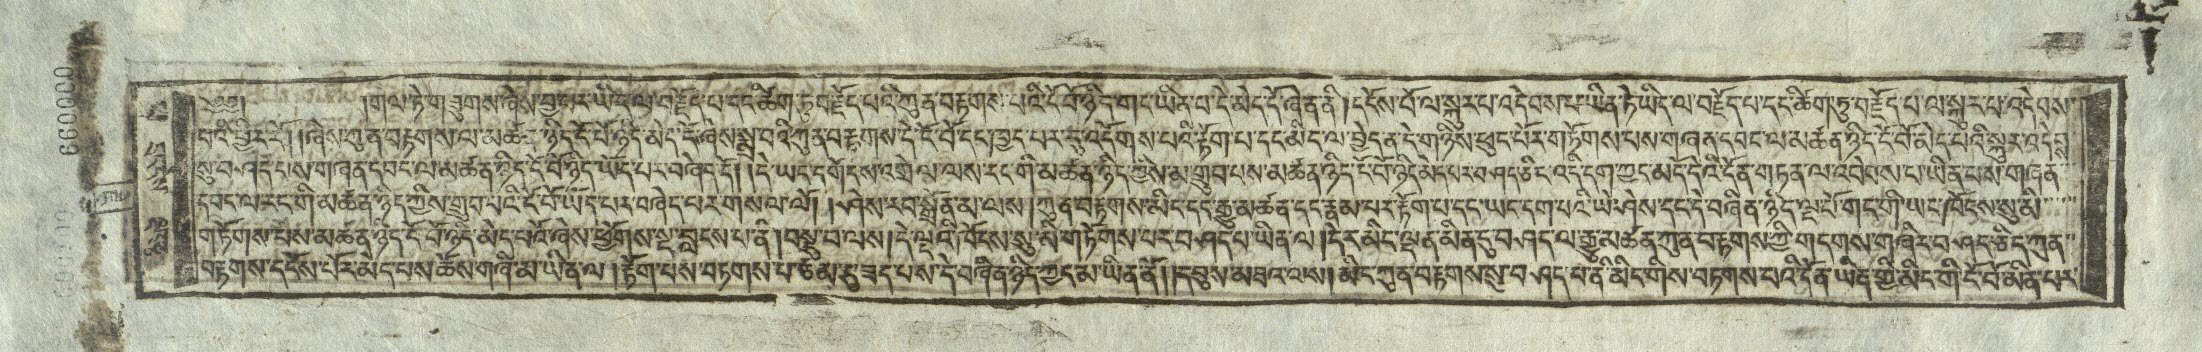༄༅། །གལ་ཏེ་གཟུགས་ཞེས་བྱ་བར་ཡིད་ལ་བརྗོད་པ་དང་ཚིག་ཏུ་བརྗོད་པའི་ཀུན་བརྟགས་པའི་ངོ་བོ་ཉིད་གང་ཡིན་པ་དེ་མེད་དོ་ཞེན་ནི། དངོས་པོ་ལ་སྐུར་པ་འདེབས་པ་ཡིན་ཏེ་ཡིད་ལ་བརྗོད་པ་དང་ཚིག་ཏུ་བརྗོད་པ་ལ་སྐུར་པ་འདེབས་
བའི་ཕྱིར་རོ། །ཞེས་ཀུན་བརྟགས་ལ་མཚན་ཉིད་ངོ་བོ་ཉིད་མེད་དོ་ཞེས་སྨྲ་བའི་ཀུན་བརྟགས་དེ་ངོ་བོ་དང་ཁྱད་པར་དུ་འདོགས་པའི་རྟོག་པ་དང་མིང་ལ་བྱེད་ན་དེ་གཉིས་ཕུང་པོར་གཏོགས་པས་གཞན་དབང་ལ་མཚན་ཉིད་ངོ་བོ་མེད་པའི་སྐུར་འདེབས་
སུ་བཤད་པས་གཞན་དབང་ལ་མཚན་ཉིད་ངོ་བོ་ཉིད་ཡོད་པར་བཞེད་དོ། །དེ་ཡང་དགོངས་འགྲེལ་ལས་རང་གི་མཚན་ཉིད་ཀྱིས་མ་གྲུབ་པས་མཚན་ཉིད་ངོ་བོ་ཉིད་མེད་པར་བཤད་ཅིང་འདི་དག་ཀྱང་མདོ་དེའི་དོན་གཏན་ལ་འབེབས་པ་ཡིན་པས་གཞན་
དབང་ལ་རང་གི་མཚན་ཉིད་ཀྱིས་གྲུབ་པའི་ངོ་བོ་ཡོད་པར་བཞེད་པར་གསལ་ལོ། །ཤེས་རབ་སྒྲོན་མ་ལས། ཀུན་བརྟགས་མིང་དང་རྒྱུ་མཚན་དང་རྣམ་པར་རྟོག་པ་དང་ཡང་དག་པའི་ཡེ་ཤེས་དང་དེ་བཞིན་ཉིད་ལྔ་པོ་གང་གི་ཡང་ཁོངས་སུ་མི་
གཏོགས་པས་མཚན་ཉིད་ངོ་བོ་ཉིད་མེད་པའི་ཞེས་ཕྱོགས་སྔ་བླངས་པ་ནི། བསྡུ་བ་ལས། དེ་ལྔའི་ཁོངས་སུ་མི་གཏོགས་པར་བཤད་པ་ཡིན་ལ། དེར་མིང་ལྡན་མིན་དུ་བཤད་ལ་རྒྱུ་མཚན་ཀུན་བརྟགས་ཀྱི་གདགས་གཞིར་བཤད་ཅིང་ཀུན་
བརྟགས་དངོས་པོར་མེད་པས་ཆོས་གཞི་མ་ཡིན་ལ། རྟོག་པས་བཏགས་པ་ཙམ་དུ་ཟད་པས་དེ་བཞིན་ཉིད་ཀྱང་མ་ཡིན་ནོ། །དབུས་མཐའ་ལས། མིང་ཀུན་བརྟགས་སུ་བཤད་པ་ནི་མིང་གིས་བཏགས་པའི་དོན་ཡིན་གྱི་མིང་གི་ངོ་བོ་མིན་པར་